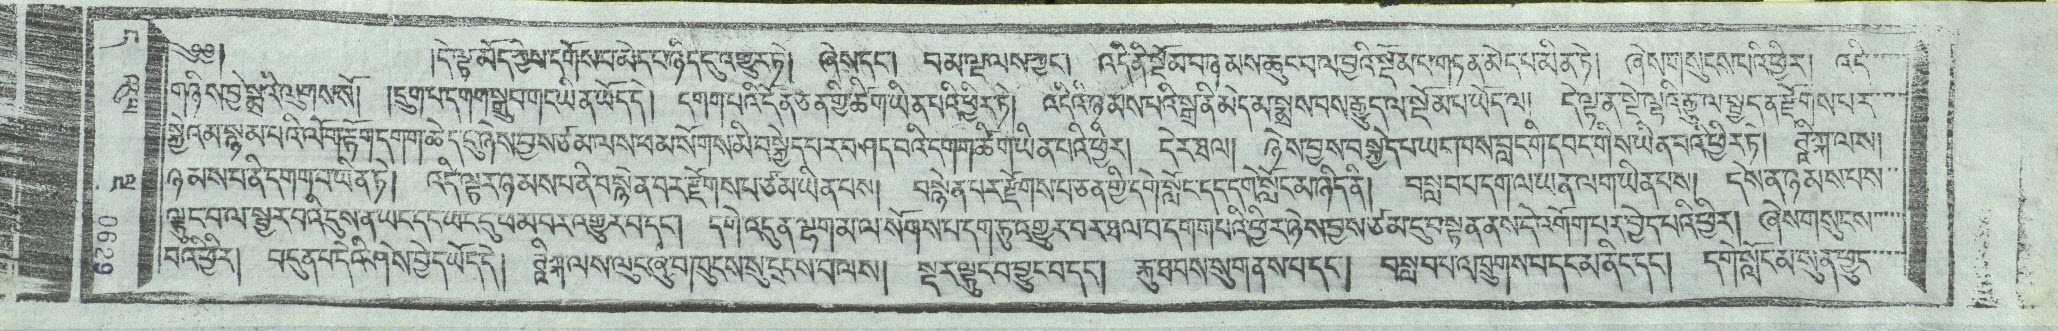༄༅། །དེ་ལྟ་མོད་ཀྱིས་དགོས་པ་མེད་པ་ཉིད་དུ་འགྱུར་ཏེ། ཞེས་དང་། བམ་ལྔ་ལས་ཀྱང་། འདི་ནི་སྡོམ་པ་ཉམས་ཆུང་བ་ལ་བྱའི་སྡོམ་པ་གཏན་མེད་པ་མིན་ཏེ། ཞེས་གསུངས་པའི་ཕྱིར། འདི་
གཉིས་བྱེ་སྨྲའི་ལུགས་སོ། །དྲུག་པ་དགག་སྒྲུབ་གང་ཡིན་ཡོད་དེ། དགག་པའི་དོན་ཅན་གྱི་ཚིག་ཡིན་པའི་ཕྱིར་ཏེ། འདིའི་ཉམས་པའི་སྒྲ་ནི་མེད་མ་སྨྲས་པས་རྒྱུད་ལ་སྡོམ་པ་ཡོད་ལ། དེ་ལྟ་ན་སྡེ་ལྔའི་རྒྱུ་ལ་སྤྱད་ན་རྫོགས་པར་
སྐྱེའམ་སྙམ་པའི་ལོག་རྟོག་དགག་ཆེད་དུ་ཉེས་བྱས་ཙམ་ལས་ཕམ་སོགས་མི་བསྐྱེད་པར་བཤད་པའི་དགག་ཚིག་ཡིན་པའི་ཕྱིར། དེར་ཐལ། ཉེས་བྱས་བསྐྱེད་པ་ཡང་ཁས་བླང་གི་དབང་གིས་ཡིན་པའི་ཕྱིར་ཏེ། ཊཱིཀྐ་ལས།
ཉམས་པ་ནི་དགག་པ་ཡིན་ཏེ། འདི་ལྟར་ཉམས་པ་ནི་བསྙེན་པར་རྫོགས་པ་ཙམ་ཡིན་པས། བསྙེན་པར་རྫོགས་པ་ཅན་གྱི་དགེ་སློང་དང་དགེ་སློང་མ་ཉིད་ནི། བསླབ་པ་དག་ལ་ཡན་ལག་ཡིན་པས། དེས་ན་ཉམས་པས་
ལྟུང་བ་ལ་སྦྱར་བའི་དུས་ན་ཡང་དང་ཡང་དུ་ཕམ་པར་འགྱུར་བ་དང་། དགེ་འདུན་ལྷག་མ་ལ་སོགས་པ་དག་ཏུ་འགྱུར་བར་ཐལ་བ་དགག་པའི་ཕྱིར་ཉེས་བྱས་ཙམ་དུ་བསྟན་ནས་དེ་འགོག་པར་བྱེད་པའི་ཕྱིར། ཞེས་གསུངས་
པའི་ཕྱིར། བདུན་པ་དེའི་ཤེས་བྱེད་ཡོད་དེ། ཊཱིཀྐ་ལས་ལུང་ཞུ་བ་ཁུངས་སུ་དྲངས་པ་ལས། སྔར་ལྟུང་བ་བྱུང་བ་དང་། རྐུ་ཐབས་སུ་གནས་པ་དང་། བསླབ་པ་འཁྲུགས་པ་དང་མ་ནིང་དང་། དགེ་སློང་མ་སུན་ཕྱུང་